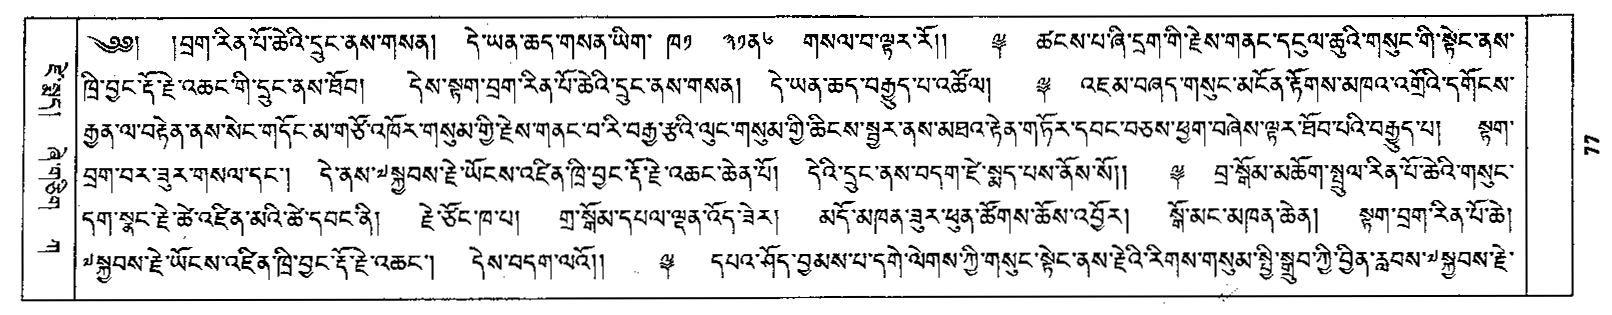༄༅། །བྲག་རིན་པོ་ཆེའི་དྲུང་ནས་གསན། དེ་ཡན་ཆད་གསན་ཡིག་ཁ ༡ ༣༡་ན ༦་གསལ་བ་ལྟར་རོ།། ༈ ཚངས་པ་ཞི་དྲག་གི་རྗེས་གནང་དངུལ་ཆུའི་གསུང་གི་སྟེང་ནས་
ཁྲི་བྱང་རྡོ་རྗེ་འཆང་གི་དྲུང་ནས་ཐོབ། དེས་སྟག་བྲག་རིན་པོ་ཆེའི་དྲུང་ནས་གསན། དེ་ཡན་ཆད་བརྒྱུད་པ་འཚོལ། ༈ འཇམ་བཞད་གསུང་མངོན་རྟོགས་མཁའ་འགྲོའི་དགོངས་
རྒྱན་ལ་བརྟེན་ནས་སེང་གདོང་མ་གཙོ་འཁོར་གསུམ་གྱི་རྗེས་གནང་བ་རི་བརྒྱ་རྩའི་ལུང་གསུམ་གྱི་ཆིངས་སྦྱར་ནས་མཐའ་རྟེན་གཏོར་དབང་བཅས་ཕྱག་བཞེས་ལྟར་ཐོབ་པའི་བརྒྱུད་པ། སྟག་
བྲག་བར་ཟུར་གསལ་དང་། དེ་ནས་༧་སྐྱབས་རྗེ་ཡོངས་འཛིན་ཁྲི་བྱང་རྡོ་རྗེ་འཆང་ཆེན་པོ། དེའི་དྲུང་ནས་བདག་ཛེ་སྨད་པས་ནོས་སོ།། ༈ བྲ་སྒོམ་མཆོག་སྤྲུལ་རིན་པོ་ཆེའི་གསུང་
དག་སྣང་རྗེ་ཚེ་འཛིན་མའི་ཚེ་དབང་ནི། རྗེ་ཙོང་ཁ་པ། གྲ་སྒོམ་དཔལ་ལྡན་འོད་ཟེར། མདོ་མཁན་ཟུར་ཕུན་ཚོགས་ཆོས་འབྱོར། སྒོ་མང་མཁན་ཆེན། སྟག་བྲག་རིན་པོ་ཆེ།
༧་སྐྱབས་རྗེ་ཡོངས་འཛིན་ཁྲི་བྱང་རྡོ་རྗེ་འཆང་། དེས་བདག་ལའོ།། ༈ དཔའ་ཤོད་བྱམས་པ་དགེ་ལེགས་ཀྱི་གསུང་སྟེང་ནས་རྗེའི་རིགས་གསུམ་སྤྱི་སྒྲུབ་ཀྱི་བྱིན་རླབས་༧་སྐྱབས་རྗེ་